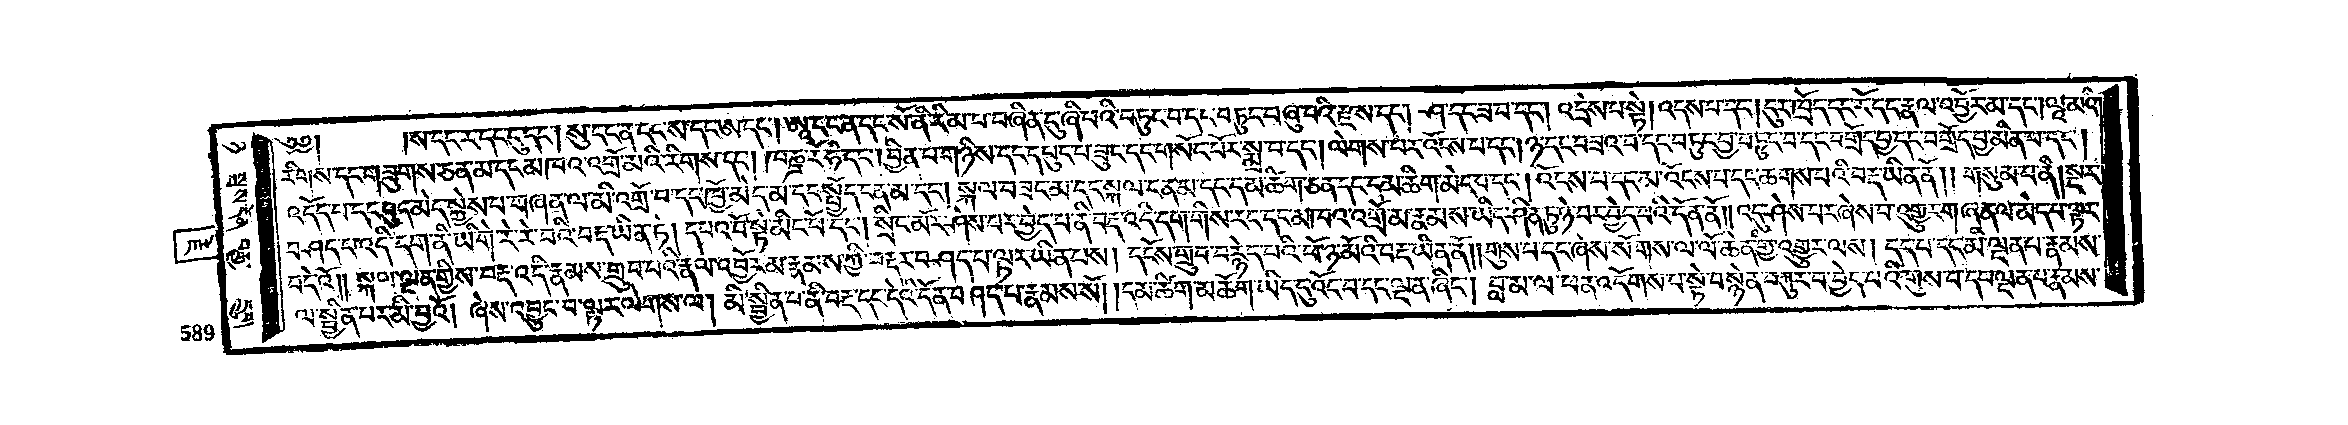༄༅། །ས་དང་ར་དང་དུ་དང་། སུ་དང་ན་དང་ས་དང་ཨ་དང་། ཨཱ་དང་ན་དང་སོ་ནི་རིམ་པ་བཞིན་དུ་ཞི་བའི་བཏུང་བ་དང་བཏུང་བཞུ་བའི་རྫས་དང་། ཤ་དང་ཟ་བ་དང་། འདྲེས་པ་སྟེ། འདས་པ་དང་། དུར་ཁྲོད་དང་རོ་དང་རྣལ་འབྱོར་མ་དང་། ལཱ་མའི་
རིགས་དང་གཟུགས་ཅན་མ་དང་མཁའ་འགྲོ་མའི་རིགས་དང་། ཁཎྜ་རོ་ཧི་དང་། བྱིན་པ་གཉིས་དང་དཔུང་པ་ཟུང་དང་གསོང་པོར་སྨྲ་བ་དང་། ལེགས་པར་འོངས་པ་དང་། ཉ་དང་བཟའ་བ་དང་བཏུང་བྱ་བཏུང་བ་དང་བགྲོད་བྱ་དང་བགྲོད་བྱ་མིན་པ་དང་།
འདོད་པ་དང་བུད་མེད་སྐྱེས་པ་གཞན་ལ་མི་འགྲོ་བ་དང་ཁྱོ་མེད་མ་དང་སྤྱོད་ངན་མ་དང་། སྐལ་བཟང་མ་དང་སྐལ་ངན་མ་དང་དམ་ཚིག་ཅན་དང་དམ་ཚིག་མེད་པ་དང་། འོངས་པ་དང་མ་འོངས་པ་དང་ཆགས་པའི་བརྡ་ཡིན་ནོ། །གསུམ་པ་ནི། སྔར་
བཤད་པ་འདི་དག་ནི་ཡི་གེ་རེ་རེ་བའི་བརྡ་ཡིན་ཏེ། དཔའ་བོ་སྟེ་མིང་པོ་དང་། སྲིང་མོར་ཤེས་པར་བྱེད་པ་ནི་བརྡ་འདི་དག་གིས་རང་དང་མཁའ་འགྲོ་མ་རྣམས་ཡིད་ཤིན་ཏུ་ཉེ་བར་བྱེད་པའི་དོན་ནོ། །འདུ་ཤེས་པར་ཞེས་པ་འགྱུར་གཞན་ལ་མེད་པ་ལྟར་
བདེ་འོ། །སྐལ་ལྡན་གྱིས་བརྡ་འདི་རྣམས་གྲུབ་པའི་རྣལ་འབྱོར་མ་རྣམས་ཀྱི་བརྡར་བཤད་པ་ལྟར་ཡིན་པས། དངོས་གྲུབ་བརྙེད་པའི་ཕོ་ཉ་མོའི་བརྡ་ཡིན་ནོ། །གུས་པ་དང་ཞེས་སོགས་ལ་ལོ་ཆེན་གྱི་འགྱུར་ལས། དད་པ་དང་མི་ལྡན་པ་རྣམས་
ལ་སྦྱིན་པར་མི་བྱའོ། །ཞེས་འབྱུང་བ་ལྟར་ལེགས་ལ། མི་སྦྱིན་པ་ནི་བརྡ་དང་དེའི་དོན་བཤད་པ་རྣམས་སོ། །དམ་ཚིག་མཆོག་ཡིད་དུ་འོང་བ་དང་ལྡན་ཞིང་། བླ་མ་ལ་ཕན་འདོགས་པ་སྟེ་བསྙེན་བཀུར་བ་བྱེད་པའི་གུས་པ་དང་ལྡན་པ་རྣམས་